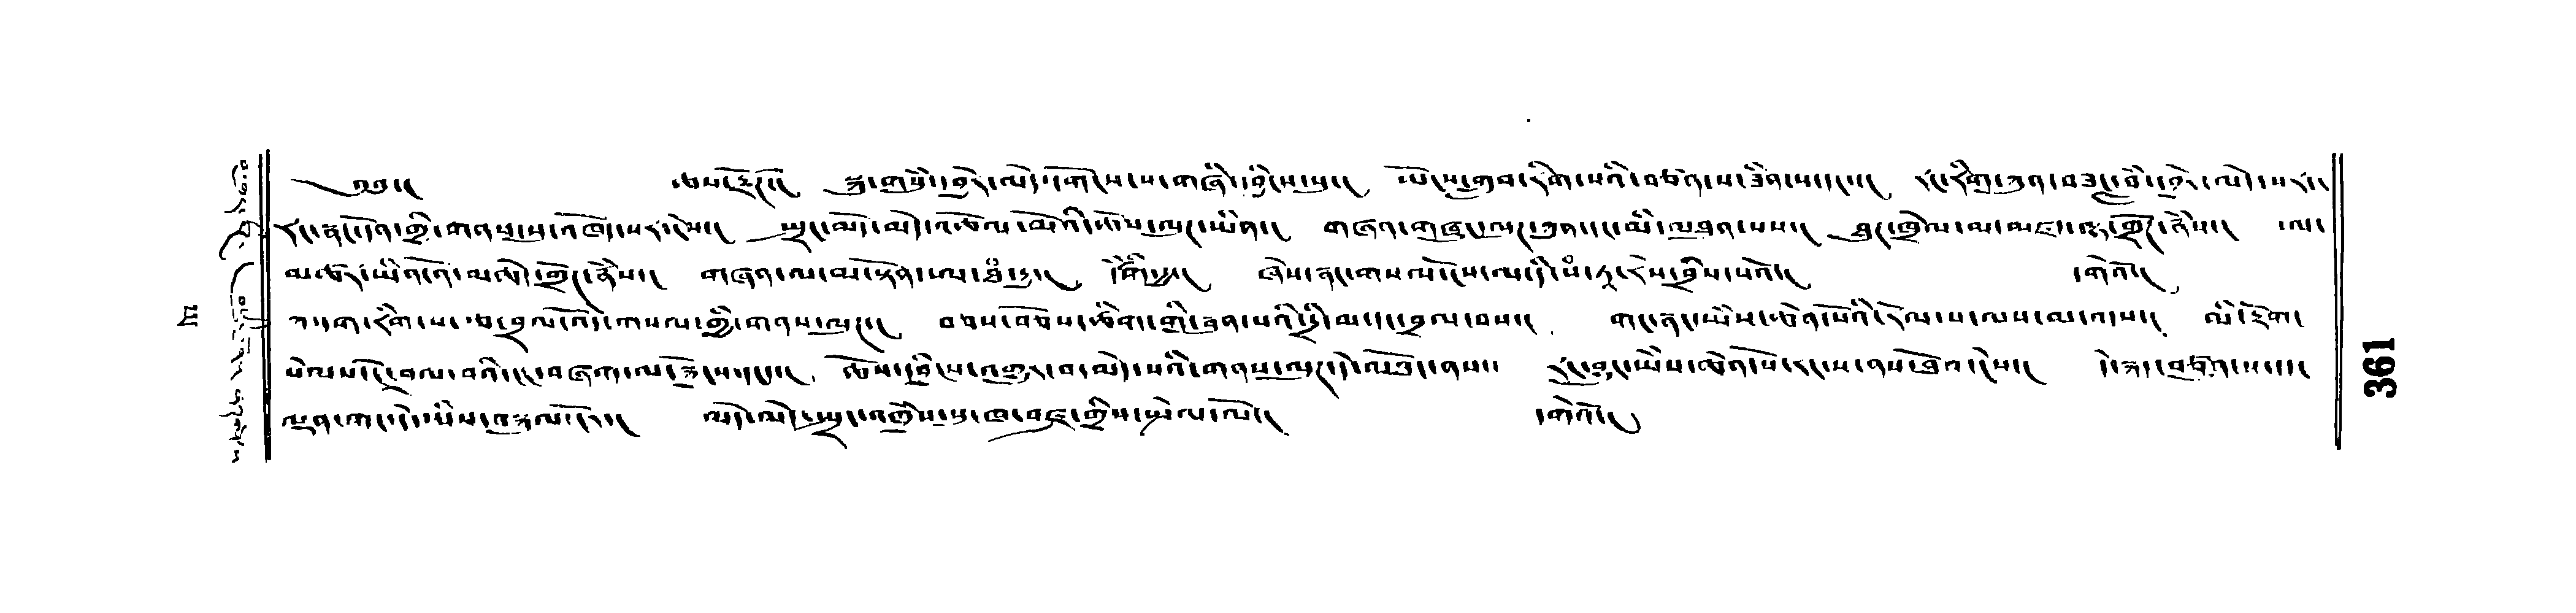ཆས་རྫོགས། །སྐུ་གསུམ་དབྱེར་མེད་དགོངས་པ་གཞི་དབྱིངས་སུ། །ཡོངས་གྲུབ་རིག་པའི་བཙན་ས་ཟིན་པ་དང་། །རང་རིག་ཀུན་བཟང་བླ་མ་དབྱེར་མེད་པར། །
རང་སྣང་དོན་གྱི་གནས་སུ་འཁོད་པར་ངེས། །སྤྲང་མདོ་མེད་འཆོལ་མོའི་ཆོས་ལུགས་ཡིན། །གཞན་གཞུང་ལུགས་ཀུན་དང་མི་མཐུན་པས། །ཐུགས་ཁྲེལ་མ་མཛད་ལྷ་གྲོགས་རྣམས། །ཨ་
མཚར་ཡིན་ནོ་མཆེད་གྲོགས་རྣམས། །གཞན་ལ་མ་སྟོན་ཨ་ཐཾ་རྒྱ། དམ་ཚིག་རྒྱ། ཞེས་སྣང་གསལ་ངོས་ལ་དི་པཾ་ཏཱ་རེས་བྲིས་པའོ།། དགེའོ།། 
ཀ་དག་རིག་པ་རྩ་བྲལ་འོད་གསལ་གྱིས་གནས་ལུགས། །བཅས་བཅོས་ཚིག་གི་སྦུན་པའི་དྲི་མ་དང་བྲལ་བས། །གང་སྣང་ཡེ་ཤེས་ཆེན་པོའི་རོལ་པ་ལས་མ་འདས། །མི་རྟོག་
སེམས་ངོ་བྲལ་བའི་ངང་བཞག་ལ་སྐྱོངས་དང་། །ཆོས་དབྱིངས་འགྱུར་བ་མེད་པའི་གནས་ལུགས་དེ་མཐོང་ནས། །རང་བྱུང་ཡེ་ཤེས་ཆེན་པོ་རང་ས་ནས་ཐོབ་ངེས། །དེ་སྐད་བཙུན་པ་དད་
ལྡན་གང་དེ་ཡིས་བསྐུལ་ངོར། །མདོ་མེད་སྤྲང་འཁྱམས་སུ་ཁ་བཛྲ་གྱིས་སྤེལ་ལོ།། དགེའོ།།